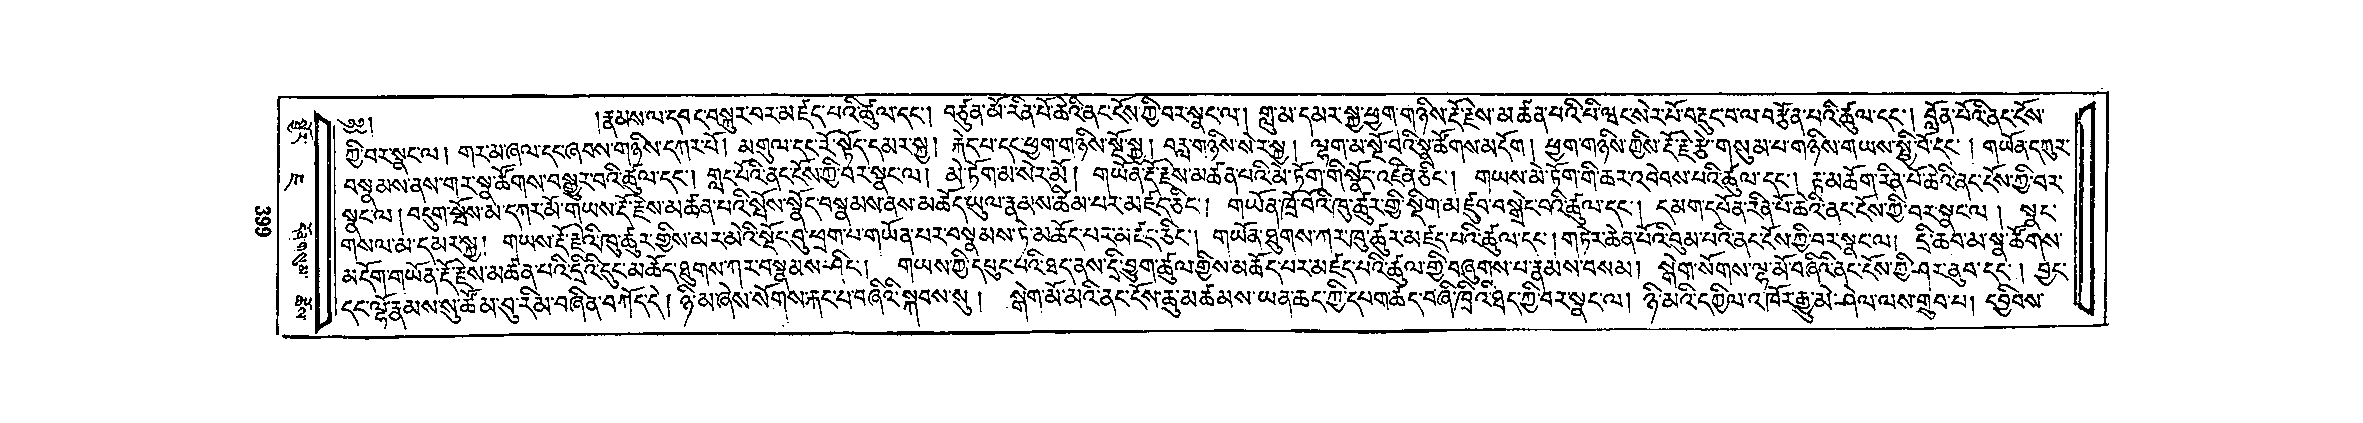༄༅། །རྣམས་ལ་དབང་བསྐུར་བར་མཛད་པའི་ཚུལ་དང་། བཙུན་མོ་རིན་པོ་ཆེའི་ནང་ངོས་ཀྱི་བར་སྣང་ལ། གླུ་མ་དམར་སྐྱ་ཕྱག་གཉིས་རྡོ་རྗེས་མཚན་པའི་པི་ཝང་སེར་པོ་བརྡུང་བ་ལ་བརྩོན་པའི་ཚུལ་དང་། བློན་པོའི་ནང་ངོས་
ཀྱི་བར་སྣང་ལ། གར་མ་ཞལ་དང་ཞབས་གཉིས་དཀར་པོ། མགུལ་དང་རོ་སྟོད་དམར་སྐྱ། རྐེད་པ་དང་ཕྱག་གཉིས་སྔོ་སྐྱ། བརླ་གཉིས་སེ་ར་སྐྱ། ལྷག་མ་སྔོ་བའི་སྣ་ཚོགས་མདོག །ཕྱག་གཉིས་ཀྱིས་རྡོ་རྗེ་རྩེ་གསུམ་པ་གཉིས་གཡས་སྤྱི་བོ་དང་། གཡོན་དཀུར་
བསྣམས་ནས་གར་སྣ་ཚོགས་བསྒྱུར་བའི་ཚུལ་དང་། གླང་པོའི་ནང་ངོས་ཀྱི་བར་སྣང་ལ། མེ་ཏོག་མ་སེར་མོ། གཡོན་རྡོ་རྗེས་མཚན་པའི་མེ་ཏོག་གི་སྣོད་འཛིན་ཅིང་། གཡས་མེ་ཏོག་གི་ཆར་འབེབས་པའི་ཚུལ་དང་། རྟ་མཆོག་རིན་པོ་ཆེའི་ནང་ངོས་ཀྱི་བར་
སྣང་ལ། བདུག་སྤོས་མ་དཀར་མོ་གཡས་རྡོ་རྗེས་མཚན་པའི་སྤོས་སྣོད་བསྣམས་ནས་མཆོད་ཡུལ་རྣམས་ཚིམ་པར་མཛད་ཅིང་། གཡོན་ཁྲོ་བོའི་ཁུ་ཚུར་གྱི་སྡིག་མཛུབ་བསྒྲེང་བའི་ཚུལ་དང་། དམག་དཔོན་རིན་པོ་ཆེའི་ནང་ངོས་ཀྱི་བར་སྣང་ལ། སྣང་
གསལ་མ་དམར་སྐྱ། གཡས་རྡོ་རྗེའི་ཁུ་ཚུར་གྱིས་མར་མེའི་སྡོང་བུ་ཕྲག་པ་གཡོན་པར་བསྣམས་ཏེ་མཆོད་པར་མཛད་ཅིང་། གཡོན་ཐུགས་ཀར་ཁུ་ཚུར་མཛད་པའི་ཚུལ་དང་། གཏེར་ཆེན་པོའི་བུམ་པའི་ནང་ངོས་ཀྱི་བར་སྣང་ལ། དྲི་ཆབ་མ་སྣ་ཚོགས་
མདོག་གཡོན་རྡོ་རྗེས་མཚན་པའི་དྲིའི་དུང་མཆོད་ཐུགས་ཀར་བསྣམས་ཤིང་། གཡས་ཀྱི་དཔུང་པའི་ཐད་ནས་དྲི་བྱུག་ཚུལ་གྱིས་མཆོད་པར་མཛད་པའི་ཚུལ་གྱི་བཞུགས་པ་རྣམས་བསམ། སྒེག་སོགས་ལྷ་མོ་བཞིའི་ནང་ངོས་ཀྱི་ཤར་ནུབ་དང་། བྱང་
དང་ལྷོ་རྣམས་སུ་ཚོམ་བུ་རིམ་བཞིན་བཀོད་དེ། ཉི་མ་ཞེས་སོགས་རྐང་པ་བཞིའི་སྐབས་སུ། སྒེག་མོ་མའི་ནང་ངོས་ཆུ་མཚམས་ཡན་ཆད་ཀྱི་དཔག་ཚད་བཞི་ཁྲིའི་ཐད་ཀྱི་བར་སྣང་ལ། ཉི་མའི་དཀྱིལ་འཁོར་རྒྱུ་མེ་ཤེལ་ལས་གྲུབ་པ། དབྱིབས་